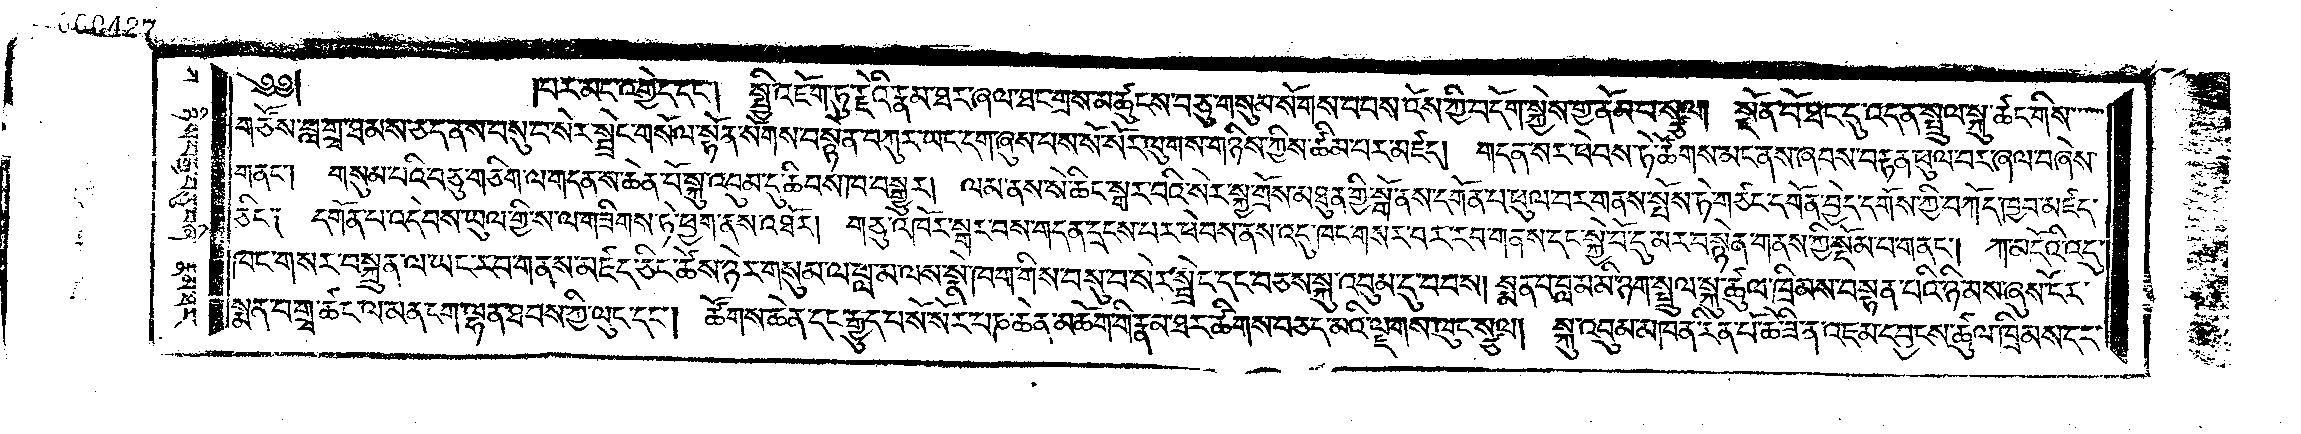༄༅། །པར་མང་འགྱེད་དང་། སྤྱི་འཇོག་ཏུ་རྗེའི་རྣམ་ཐར་ཞལ་ཐང་གྲས་མཚུངས་བཅུ་གསུམ་སོགས་བབས་འོས་ཀྱི་བདོག་སྐྱེས་གྱ་ནོམ་པ་སྩལ། སྔོན་པོ་ཐང་དུ་འདན་སྤྲུལ་སྐུ་ཚང་གིས་
གཙོས་བླ་གྲྭ་ཐམས་ཅད་ནས་བསུ་བ་སེར་སྦྲེང་གསོལ་སྟོན་སོགས་བསྙེན་བཀུར་ཡང་དག་ཞུས་པས་སོ་སོར་ལུགས་གཉིས་ཀྱིས་ཚིམ་པར་མཛད། གདན་སར་ཕེབས་ཏེ་ཚོགས་མང་ནས་ཞབས་བརྟན་ཕུལ་བར་ཞལ་བཞེས་
གནང་། གསུམ་པའི་བཅུ་གཅིག་ལ་གདན་ས་ཆེན་པོ་སྐུ་འབུམ་དུ་ཆིབས་ཁ་བསྒྱུར། ལམ་ནས་སེ་ཆིང་སྒར་བའི་སེར་སྐྱ་གྲོས་མཐུན་གྱི་སྒོ་ནས་དགོན་པ་ཕུལ་བར་གནས་སྤོས་ཏེ་གཙང་དགོན་བྱེད་དགོས་ཀྱི་བཀོད་ཁྱབ་མཛད་
ཅིང༑ དགོན་པ་འདེབས་ཡུལ་གྱི་ས་ལ་གཟིགས་ཏེ་ཕྱག་ནས་འཐོར། གཅུ་འཁོར་སྒར་བས་གདན་དྲངས་པར་ཕེབས་ནས་འདུ་ཁང་གསར་བར་རབ་གནས་དང་སྐྱེ་བོ་དུ་མར་བསྙེན་གནས་ཀྱི་སྡོམ་པ་གནང་། ཀ་མདོའི་འདུ་
ཁང་གསར་བསྐྲུན་ལ་ཡང་རབ་གནས་མཛད་ཅིང་ཚེས་ཉེར་གསུམ་ལ་བླ་མ་ལས་སྣེ་ཁག་གིས་བསུ་བ་སེར་སྦྲེང་དང་བཅས་སྐུ་འབུམ་དུ་བབས། སྨན་བ་བླ་མ་མི་ཉག་སྤྲུལ་སྐུ་ཚུལ་ཁྲིམས་བསྟན་པའི་ཉི་མས་ཞུས་ངོར་
སྨན་བ་གྲྭ་ཚང་ལ་མན་ངག་ལྷན་ཐབས་ཀྱི་ལུང་དང་། ཚོགས་ཆེན་དང་རྒྱུད་པ་སོ་སོར་པཎ་ཆེན་མཆོག་གི་རྣམ་ཐར་ཚིགས་བཅད་མའི་ལྗགས་ལུང་སྩལ། སྐུ་འབུམ་མཁན་རིན་པོ་ཆེ་ཟིན་འཇམ་དབྱངས་ཚུལ་ཁྲིམས་དང་